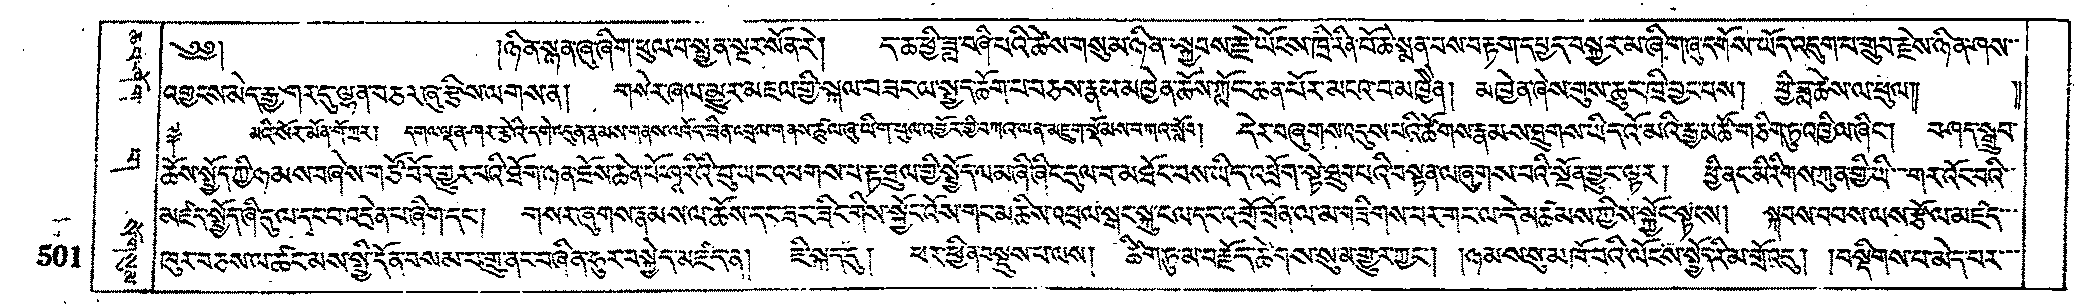༄༅། །ཉིན་སྙན་ཞུ་ཞིག་ཕུལ་བ་སྤྱན་སྔར་སོན་རེ། ད་ཆ་ཕྱི་ཟླ་བཞི་པའི་ཚེས་གསུམ་ཉིན ༧སྐྱབས་རྗེ་ཡོངས་ཁྲི་རིན་པོ་ཆེ་སྨན་པས་བརྟག་དཔྱད་བསྐྱར་མ་ཞིག་ཞུ་དགོས་ཡོད་འདུག་པ་གྲུབ་རྗེས་ཉིན་ཤས་་་
འགྱངས་མེད་རྒྱ་གར་དུ་ལྷན་བཅར་ཞུ་རྩིས་ལགས་ན། གསེར་ཞལ་མྱུར་མཇལ་གྱི་སྐལ་བཟང་ལ་སྤྱད་ཆོག་པ་བཅས་རྣམ་མཁྱེན་ཆོས་ཀློང་ཆན་པོར་མངའ་བ་མཁྱཻཨེན། མཁྱེན་ཞེས་གུས་ཆུང་ཁྲི་བྱང་པས། ཕྱི་ཟླ་ཚེས་ལ་ཕུལ།། །།
འ་མའི་སོར་མོན་གོ་ཀྲར། དགའ་ལྡན་ཤར་རྩེའི་དགེ་འདུན་རྣམས་གནས་འཁོད་ཟིན་འཕྲལ་གནས་ཚུལ་ཞུ་ཡིག་ཕུལ་འབྱོར་གྱི་བཀའ་ལན་མཇུག་སྡོམས་བཀའ་སློབ།  དེར་བཞུགས་འདུས་པའི་ཚོགས་རྣམས་ཐུགས་ཡིད་འོ་མའི་རྒྱ་མཚོ་གཅིག་ཏུ་འཁྱིལ་ཞིང་། བཤད་སྒྲུབ་
ཆོས་སྤྱོད་ཀྱི་ཉམས་བཞེས་གཙོ་བོར་གྱུར་པའི་ཐོག་ཉན་ཐོས་ཆེན་པོ་ཤཱ་རིའི་བུ་ཡང་འཕགས་པ་རྟ་ཐུལ་གྱི་སྤྱོད་ལམ་ཞི་ཞིང་དུལ་བ་མཐོང་བས་ཡིད་འཕྲོག་སྟེ་ཐུབ་པའི་བསྟན་ལ་ཞུགས་པའི་སྔོན་བྱུང་ལྟར། ཕྱི་ནང་མི་རིགས་ཀུན་གྱི་ཡི་་་གར་འོང་བའི་་་
མཛད་སྤྱོད་ཞི་དུལ་དྭང་བ་འདྲེན་པ་ཞིག་དང་། གསར་ཞུགས་རྣམས་ལ་ཆོས་དང་ཟང་ཟིང་གིས་སྐྱོང་འོས་གང་མཆིས་འཕྲལ་སྒང་སྐུ་ངལ་དང་འགྲོ་གྲོན་ལ་མ་གཟིགས་པར་གང་ལ་དེ་མཚམས་ཀྱིས་སྐྱོང་སྟངས། སྐབས་བབས་ལས་རྩོལ་མཛད་་་
ཁུར་བཅས་ལ་ཚང་མས་སྤྱི་དོན་བསམ་པ་གྲུ་ནང་བཞིན་ཧུར་བསྐྱེད་མཛད་ན། ཇི་སྐད་དུ། ཕར་ཕྱིན་བསྡུས་པ་ལས། ཚིག་ཏུ་མ་བརྗོད་ཚེགས་སུ་མ་གྱུར་ཀྱང་། །ཉམས་སུ་མཁོ་བའི་ལོངས་སྤྱོད་རིམ་གྲོ་འདུ། །བསྡིགས་པ་མེད་པར་་་